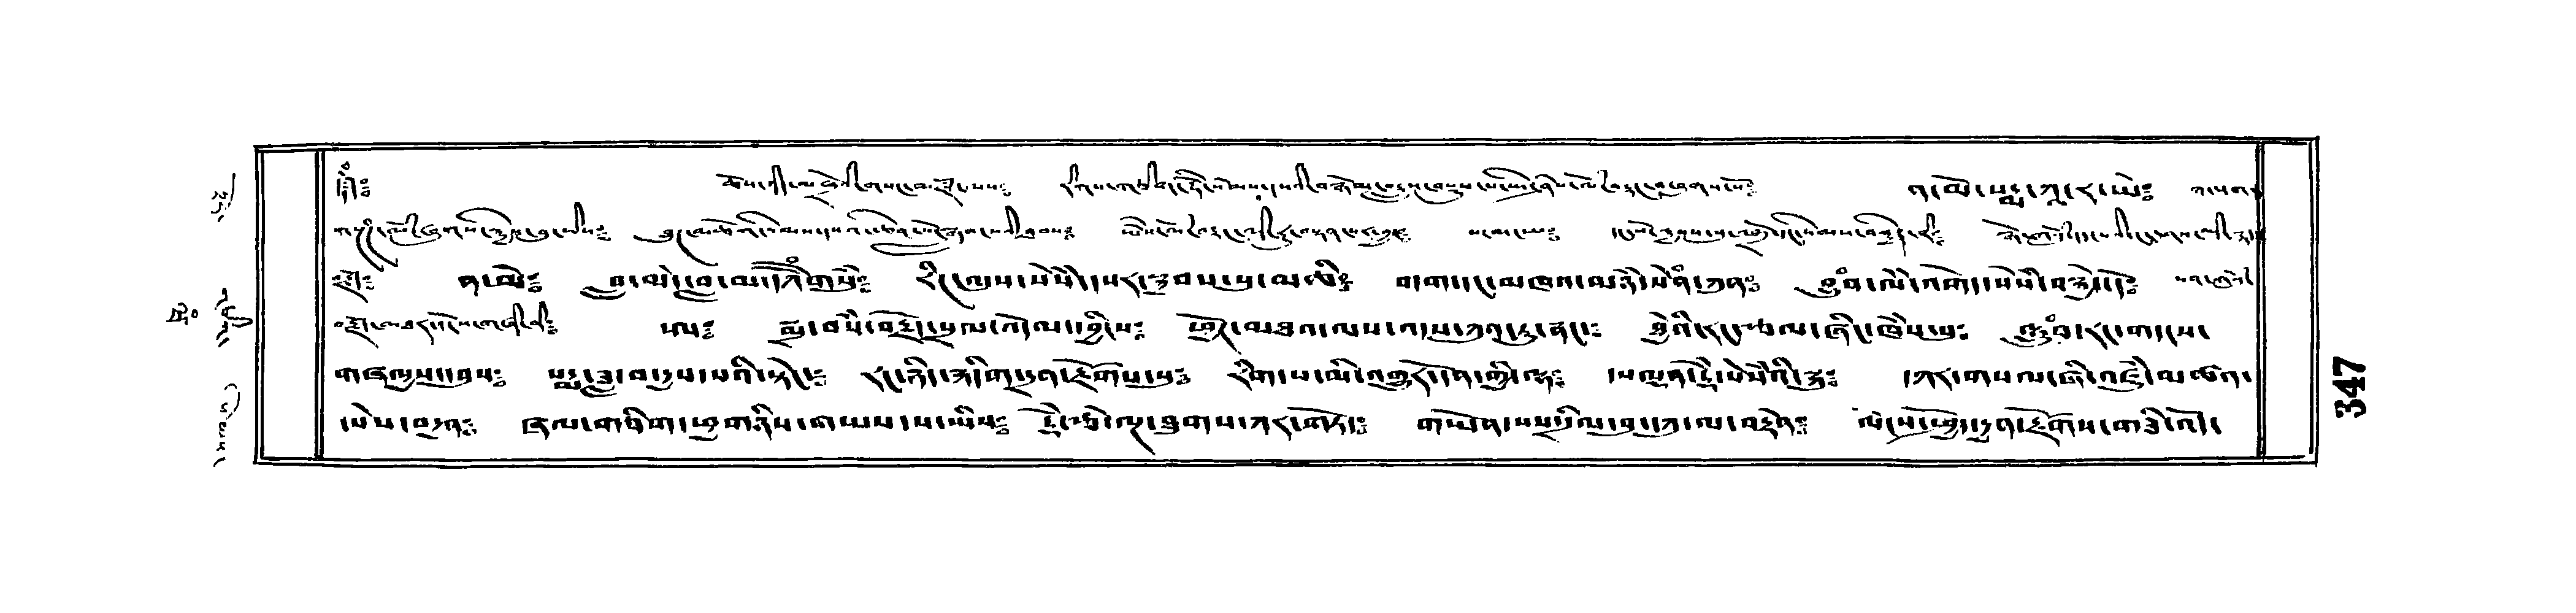ཆོས་ཉིད་མཁའ་འགྲོའི་གསང་མཛོད་ལས༔ རིགས་གཅིག་རྡོ་རྗེ་སེམས་དཔའི་བསྒོམ་བཟླས་བསྡུས་པ་ཡེ་ཤེས་ལམ་བཟང་བཞུགས་སོ༔ ན་མོ་པདྨ་ཀཱ་ར་ཡེ༔ གང་དག་
གསང་སྔགས་ལམ་ཞུགས་སྐྱེས་བུ་ཡིས༔ ཐུགས་མཆོག་སེམས་དཔའ་ཆེན་པོ་སྒྲུབ་པའི་ཐབས༔ ཡེ་ཤེས་ལམ་བཟང་འདི་རུ་བསྟན་པར་བྱ༔ ས་མ་ཡ༔ དང་པོ་སྐྱབས་སུ་འགྲོ་དང་སེམས་བསྐྱེད་ནི༔ སྒོ་གསུམ་དད་པའི་ངང་ནས་འདི་སྐད་
བརྗོད༔ ན་མོ༔ བླ་མེད་བླ་མ་དཀོན་མཆོག་གསུམ༔ རིགས་འདུས་སེམས་དཔར་སྐྱབས་སུ་མཆི༔ བདག་དང་མཁའ་མཉམ་སེམས་ཅན་ཀུན༔ བྱང་ཆུབ་ལམ་འགོད་སེམས་བསྐྱེད་དོ༔ ལན་གསུམ་
བརྗོད་མཐར་དངོས་གཞི་ནི༔ ཨཱཿ སྨྲ་བསམ་བརྗོད་བྲལ་འོད་གསལ་དབྱིངས༔ ཕྱོགས་མཐའ་ལས་འདས་ཀུན་ཏུ་སྣང༔ ཐུགས་རྗེའི་རང་རྩལ་ཞིང་ཁམས་སུ༔ ལྷུན་གྲུབ་རང་གདངས་
གཞལ་ཡས་དབུས༔ པདྨ་ཟླ་བ་རྒྱས་པའི་སྟེང༔ རང་ཉིད་སྐད་ཅིག་དྲན་རྫོགས་སུ༔ རིག་པ་མི་འགྱུར་དོན་གྱི་ལྷ༔ དཔལ་ལྡན་རྡོ་རྗེ་སེམས་དཔའི་སྐུ༔ དཀར་གསལ་ཞི་འཛུམ་མཚན་
དཔེས་བརྒྱན༔ ཞལ་གཅིག་ཕྱག་གཉིས་གཡས་པ་ཡིས༔ རྡོ་རྗེ་རྩེ་ལྔ་ཐུགས་ཀར་གཏོད༔ གཡོན་པས་དྲིལ་བུ་དཀུ་ལ་བརྟེན༔ ལོངས་སྤྱོད་རྒྱན་རྫོགས་གཟི་འོད་